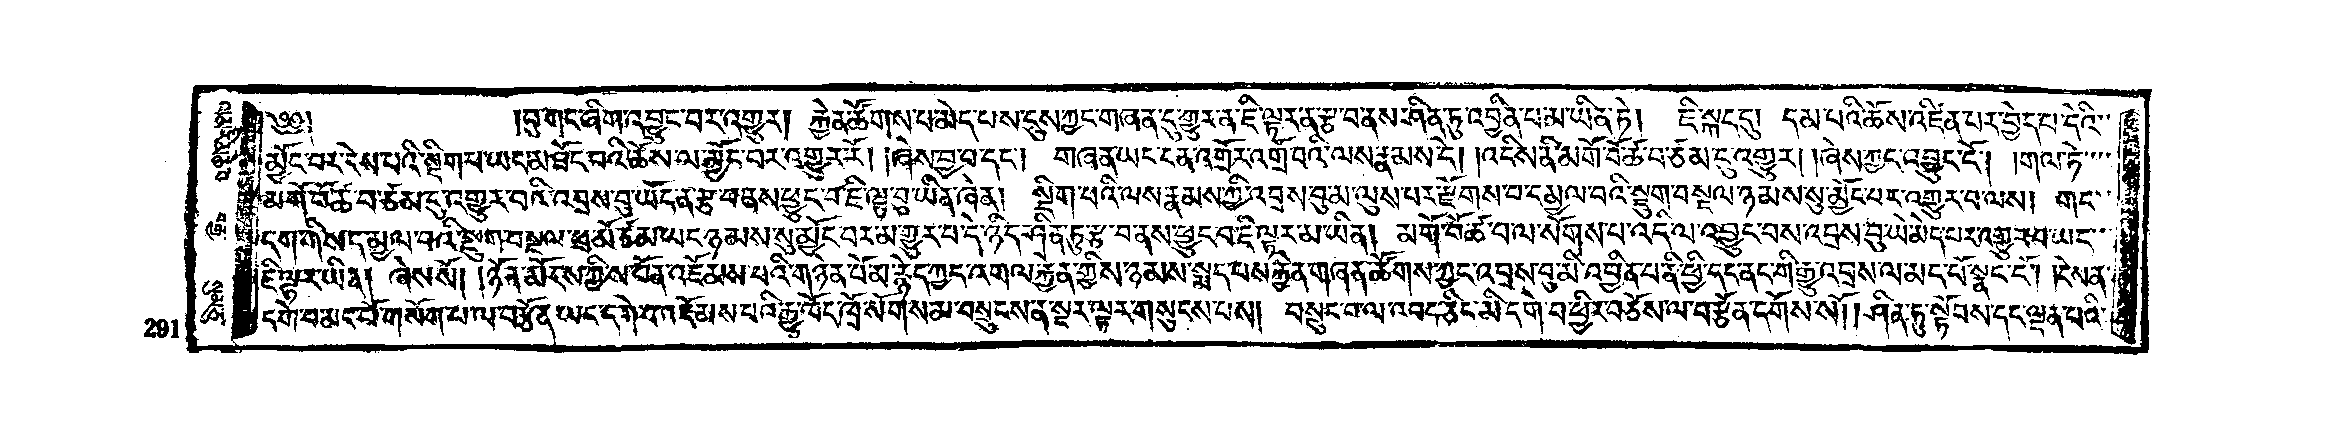༄༅། །བུ་གང་ཞིག་འབྱུང་བར་འགྱུར། རྐྱེན་ཚོགས་པ་མེད་པས་དུས་ཀྱང་གཞན་དུ་གྱུར་ན་ཇི་ལྟར་ན་རྩ་བ་ནས་ཤིན་ཏུ་འབྱིན་པ་མ་ཡིན་ཏེ། ཇི་སྐད་དུ། དམ་པའི་ཆོས་འཛིན་པར་བྱེད་པ་དེའི་
མྱོང་བར་ངེས་པའི་སྡིག་པ་ཡང་མཐོང་བའི་ཆོས་ལ་མྱོང་བར་འགྱུར་རོ། །ཞེས་བྱ་བ་དང་། གཞན་ཡང་ངན་འགྲོར་འགྲོ་བའི་ལས་རྣམས་དེ། །འདིས་ནི་མགོ་བོ་ཚ་བ་ཙམ་དུ་འགྱུར། །ཞེས་ཀྱང་འབྱུང་ངོ། །གལ་ཏེ་
མགོ་བོ་ཚ་བ་ཙམ་དུ་འགྱུར་བའི་འབྲས་བུ་ཡོད་ན་རྩ་བ་ནས་ཕྱུང་བ་ཇི་ལྟ་བུ་ཡིན་ཞེ་ན། སྡིག་པའི་ལས་རྣམས་ཀྱི་འབྲས་བུ་མ་ལུས་པར་རྫོགས་པ་དམྱལ་བའི་སྡུག་བསྔལ་ཉམས་སུ་མྱོང་བར་འགྱུར་བ་ལས། གང་
དག་གིས་དམྱལ་བའི་སྡུག་བསྔལ་ཕྲ་མོ་ཙམ་ཡང་ཉམས་སུ་མྱོང་བར་མ་གྱུར་པ་དེ་ཉིད་ཤིན་ཏུ་རྩ་བ་ནས་ཕྱུང་བ་ཇི་ལྟར་མ་ཡིན། མགོ་བོ་ཚ་བ་ལ་སོགས་པ་འདི་ལ་འབྱུང་བས་འབྲས་བུ་ཡེ་མེད་པར་འགྱུར་བ་ཡང་
ཇི་ལྟར་ཡིན། ཞེས་སོ། །ཉོན་མོངས་ཀྱི་ས་བོན་འཇོམས་པའི་གཉེན་པོ་མ་རྙེད་ཀྱང་འགལ་རྐྱེན་གྱིས་ཉམས་སྨད་པས་རྐྱེན་གཞན་ཚོགས་ཀྱང་འབྲས་བུ་མི་འབྱིན་པ་ནི་ཕྱི་དང་ནང་གི་རྒྱུ་འབྲས་ལ་མང་པོ་སྣང་ངོ། །དེས་ན་
དགེ་བ་མང་པོ་གསོག་པ་ལ་བརྩོན་ཡང་དགེ་བ་འཇོམས་པའི་རྒྱུ་ཁོང་ཁྲོ་སོགས་མ་བསྲུངས་ན་སྔར་ལྟར་གསུངས་པས། བསྲུང་བ་ལ་འབད་ཅིང་མི་དགེ་བ་ཕྱིར་བཅོས་ལ་བརྩོན་དགོས་སོ། །ཤིན་ཏུ་སྟོབས་དང་ལྡན་པའི་